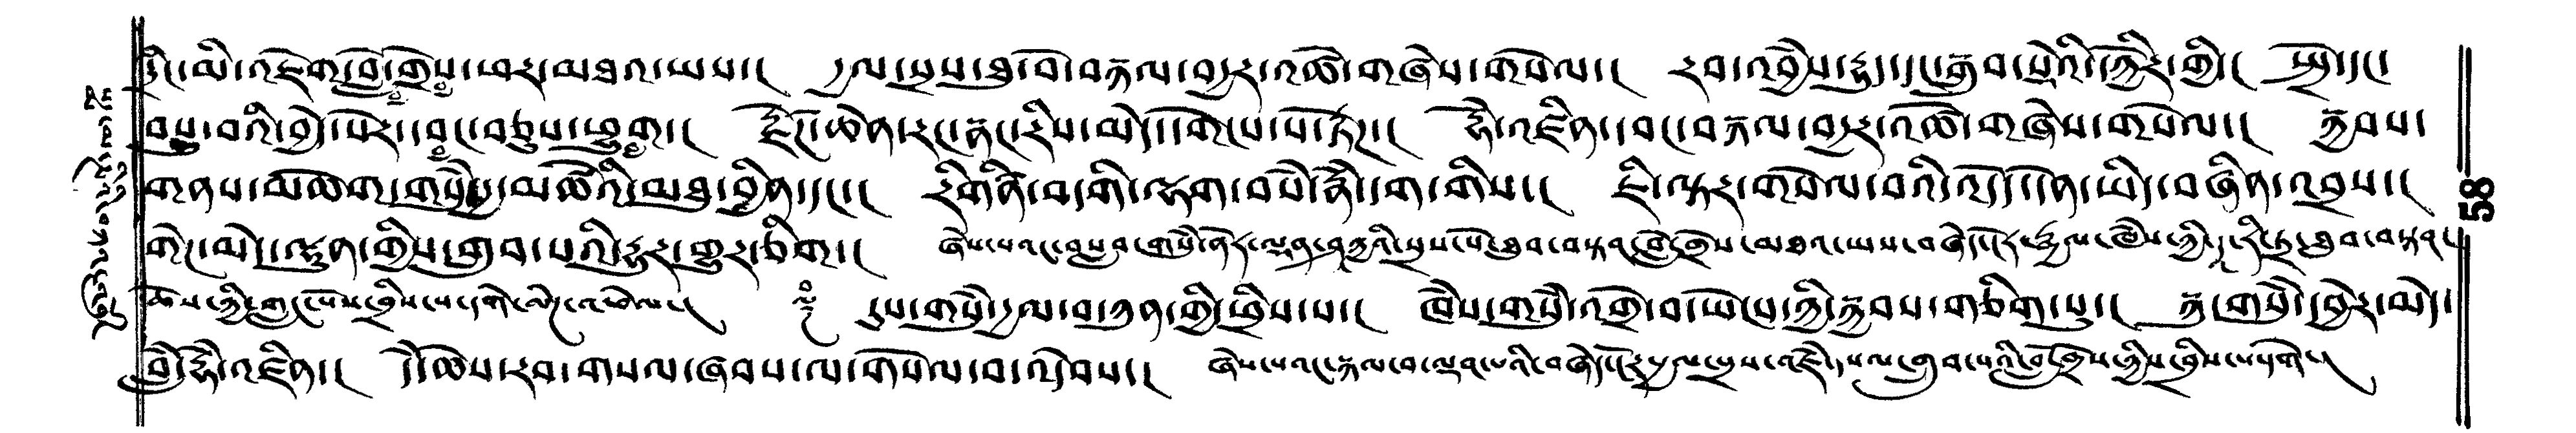དྲིང་མི་འཇོག་བློ་གྲོས་ཕར་མཐའ་ཡས། །རྒྱལ་སྲས་ཐུ་བོ་བསྐལ་བརྒྱར་འཚོ་གཞེས་གསོལ། །རབ་འབྱམས་རྒྱུད་དང་སྒྲུབ་སྡེའི་དཀྱིལ་འཁོར་གྱི། །སྤྲོ་དང་
བསྡུ་བའི་བྱེད་པོར་དབང་བཅུས་ཕྱུག །རྫོགས་ཆེན་རང་སྣང་རིས་མེད་དགོངས་པ་རྟོགས། །རྡོ་རྗེ་འཛིན་དབང་བསྐལ་བརྒྱར་འཚོ་གཞེས་གསོལ། །སྐྱབས་
གནས་མཆོག་གསུམ་རྒྱ་མཚོའི་མཐུ་བྱིན་དང་། །རིག་འཛིན་བདག་གི་ལྷག་བསམ་རྣམ་དག་གིས། །ཇི་ལྟར་གསོལ་བའི་འདོད་དོན་ཡིད་བཞིན་འབྲས། །
གེགས་མེད་ལྷུན་གྱིས་འགྲུབ་པའི་རྒྱུར་གྱུར་ཅིག ཞེས་པའང་བསླབ་གསུམ་ནོར་ལྡན་ཤཱཀྱའི་སྲས་པོ་ཐུབ་བསྟན་བློ་གྲོས་མཐའ་ཡས་བཞེད་ངོར་རྒྱལ་ཁམས་ཀྱི་དཱ་རི་དྲ་ཐུབ་བསྟན་
ཆོས་ཀྱི་གླང་པོས་བྲིས་པ་དགེ་ལེགས་འཕེལ།། ༈ དུས་གསུམ་རྒྱལ་བ་ཀུན་གྱི་ཕྲིན་ལས་པ། ཁམས་གསུམ་འགྲོ་བ་ཡོངས་ཀྱི་སྐྱབས་གཅིག་པུ། །སྐུ་གསུམ་དབྱེར་མེད་
བླ་མ་རྡོ་རྗེ་འཛིན། །དམ་ཆོས་རབ་གསལ་ཞབས་ལ་གསོལ་འདེབས། ། ཞེས་པའང་སྐལ་ལྡན་པའི་བཞེད་ངོར་རྒྱས་སྲས་འཇམ་དཔལ་གྲུབ་པའི་བློ་གྲོས་ཀྱིས་བྲིས་པ་དགེ།།